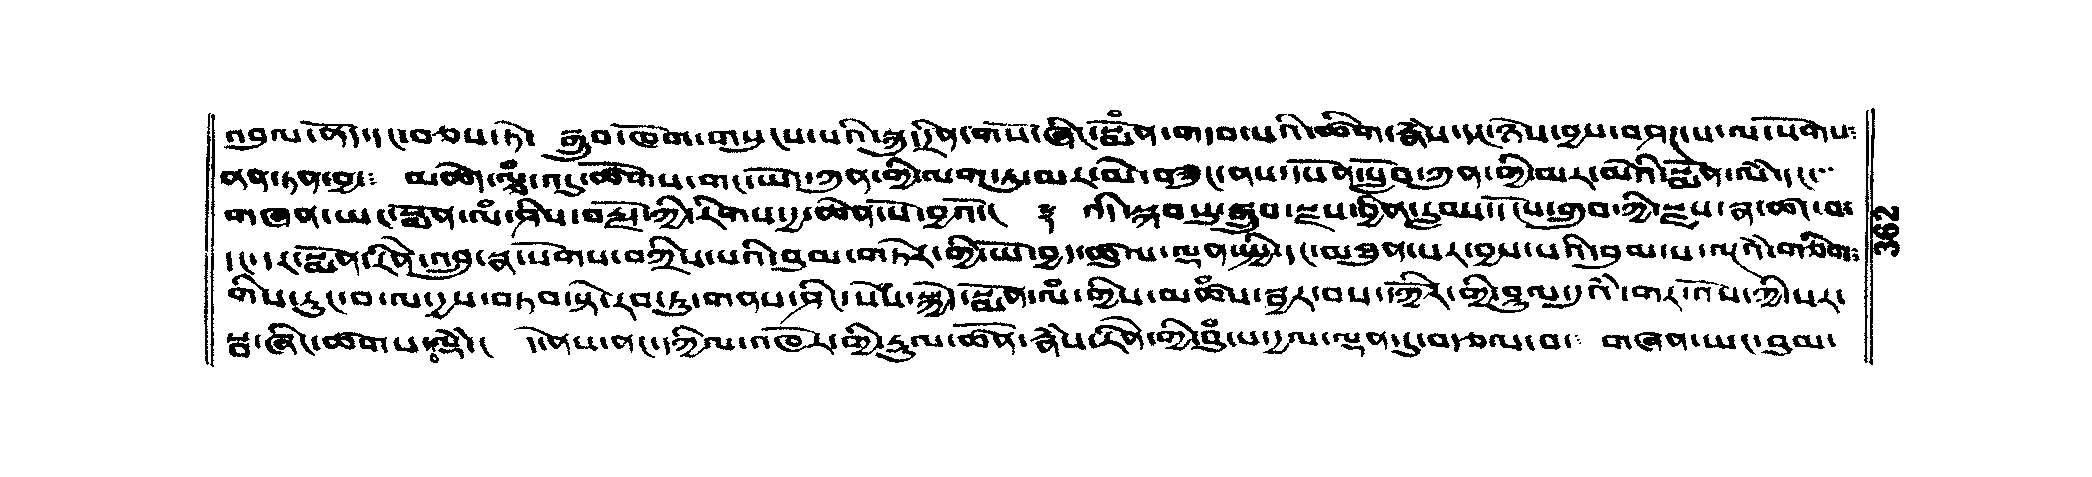འབུལ་ནོད་དང་བཅས་ཏེ། སྒྲུབ་ཁོག་གསུངས་པའི་སྐུ་དྲིན་གསོ་ཞིང་སྨོན་ལམ་གདབ་པའི་ཚིག་རྣམས་དང་ཉེས་བྱས་བཤགས་པ་ལ་སོགས་
ནན་ཏན་བྱ༴ མཆེད་ལྕམ་འདུ་ཚོགས་གང་ཡོད་ཀུན་གྱི་ལག་ཏུ་མར་མེ་བཟུང་ནས་དཔོན་སློབ་ཀུན་གྱི་སྨོན་ལམ་དང་
གཞན་ཡང་སྨོན་ལམ་ཤིས་བརྗོད་ཀྱི་རིགས་རྒྱ་ཚེན་པོ་བྱའོ། ༈ འདི་སྐབས་སུ་སྒྲུབ་རྫས་བྱིན་རླབས་དངོས་གྲུབ་ཀྱི་རྫས་སྣ་ཚང་བ་
དང་དར་སྨོན་རིན་ཆེན་འབྲུ་སྣ་སོགས་བཀྲ་ཤིས་པའི་ནུམ་གཏེར་གྱི་ཡོ་བྱད་ཚུལ་ལྡན་སྤྱི་དང་མཐུན་པར་བྱས་པའི་བུམ་པ་ལྔའམ་གཅིག་
གིས་རུང་བ་ལ་རྒྱས་བཏབ་སྟེ་རབ་ཏུ་གནས་ཤིང་སེམས་སྐྱེད་སྨོན་ལམ་གྱིས་མཚམས་སྦྱར་བར་དཀྱིལ་འཁོར་གྱི་ཤུལ་དུའམ་གར་འོས་ཀྱི་སར་
སྦ་ཞིང་ཚགས་བལྡམ། དེ་ནས་ནང་དཀྱིལ་འཁོར་གྱི་རྡུལ་ཚོན་རྣམས་རིན་ཆེན་གྱི་བུམ་པ་རྒྱལ་ལྡན་དུ་བརྩལ་བ༴ གཞན་ཡང་བུམ་